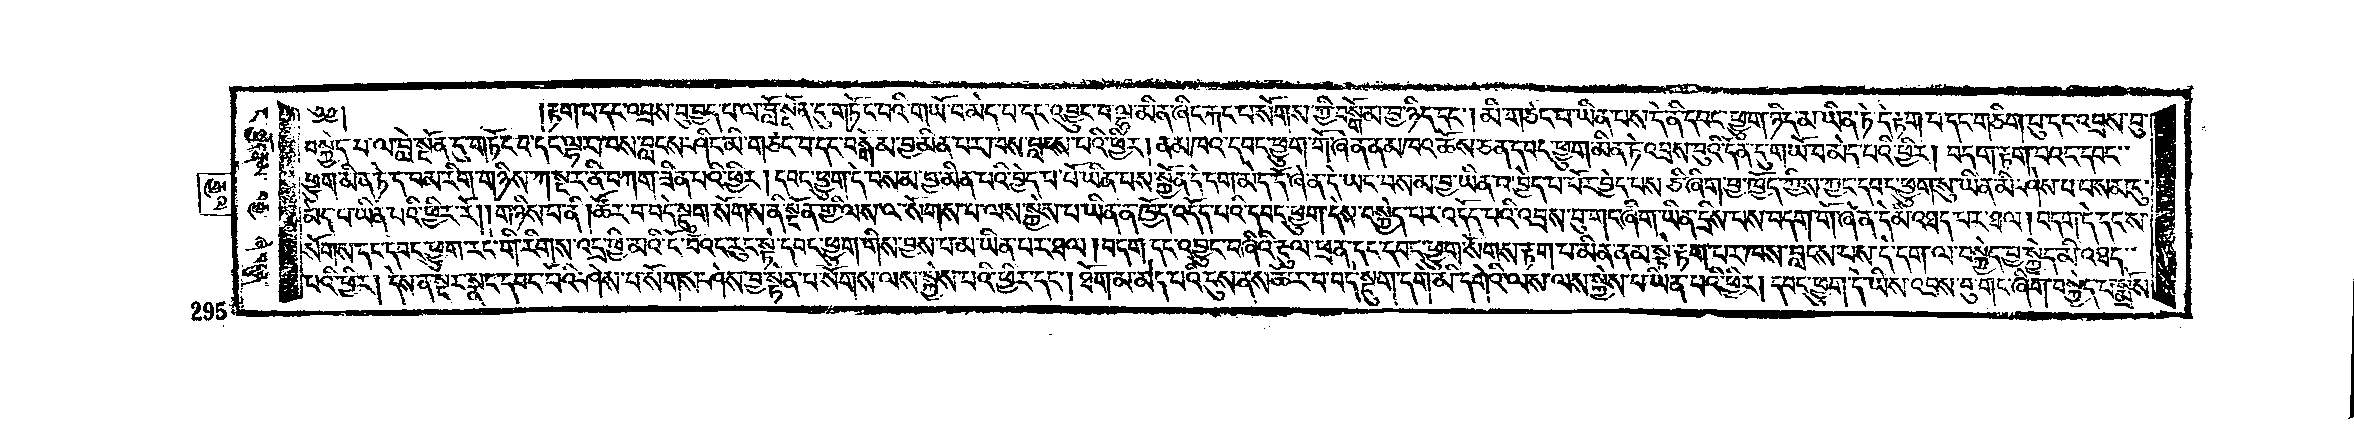༄༅། །རྟག་པ་དང་འབྲས་བུ་བྱད་པ་ལ་བློ་སྔོན་དུ་གཏོང་བའི་གཡོ་བ་མེད་པ་དང་འབྱུང་བ་ལྷ་མིན་ཞིང་རྐང་པ་སོགས་ཀྱི་བསྒོམ་བྱ་ཉིད་དང་། མི་གཙང་བ་ཡིན་པས་དེ་ནི་དབང་ཕྱུག་ཉིད་མ་ཡིན་ཏེ་དེ་རྟག་པ་དང་གཅིག་པུ་དང་འབྲས་བུ་
བསྐྱེད་པ་ལ་བློ་སྔོན་དུ་གཏོང་བ་དང་ལྷར་ཁས་བླངས་ཤིང་མི་གཙང་བ་དང་བསྒོམ་བྱ་མིན་པར་ཁས་བླངས་པའི་ཕྱིར། ནམ་མཁའ་དབང་ཕྱུག་གོ་ཞེན་ནམ་མཁའ་ཆོས་ཅན་དབང་ཕྱུག་མིན་ཏེ་འབྲས་བུའི་དོན་དུ་གཡོ་བ་མེད་པའི་ཕྱིར། བདག་རྟག་པའང་དབང་
ཕུག་མིན་ཏེ་ད་བམ་རིག་གཉིས་ཀ་སྔར་མི་བཀག་ཟིན་པའི་ཕྱིར། དབང་ཕྱུག་དེ་བསམ་བྱ་མིན་པའི་བྱེད་པ་པོ་ཡིན་པས་སྐྱོན་དེ་དག་མེད་དོ་ཞེ་ན་དེ་ཡང་བསམ་བྱ་ཡིན་པ་བྱེད་པ་པོར་བྱེད་པས་ཅི་ཞིག་བྱ་ཁྱོད་ཀྱིས་ཀྱང་དབང་ཕྱུག་སུ་ཡིན་མི་ཤེས་པ་བསམ་དུ་
མེད་པ་ཡིན་པའི་ཕྱིར་རོ། །གཉིས་པ་ནི། ཚོར་བ་བདེ་སྡུག་སོགས་ནི་སྔོན་གྱི་ལས་ལ་སོགས་པ་ལས་སྐྱེས་པ་ཡིན་ན་ཁྱོད་འདོད་པའི་དབང་ཕུག་དེས་བསྐྱེད་པར་འདོད་པའི་འབྲས་བུ་གང་ཞིག་ཡིན་དྲིས་པས་བདག་གོ་ཞེ་ན་དེ་མ་འཐད་པར་ཐལ། བདག་དེ་དང་ས་
སོགས་དང་དབང་ཕྱུག་རང་གི་རིགས་འདྲ་ཕྱི་མའི་ངོ་བོའང་རུང་སྟེ་དབང་ཕྱུག་གིས་བྱས་པ་མ་ཡིན་པར་ཐལ། བདག་དང་འབྱུང་བཞིའི་རྡུལ་ཕྲན་དང་དབང་ཕྱུག་སོགས་རྟག་པ་མིན་ནམ་སྟེ་རྟག་པར་ཁས་བླངས་པས་དེ་དག་ལ་བསྐྱེད་བྱ་སྐྱེད་མི་འཐད་
པའི་ཕྱིར། དེས་ན་སྔར་སྣང་དབང་པོའི་ཤེས་པ་སོགས་ཤེས་བྱ་སྟེན་པ་སོགས་ལས་སྐྱེས་པའི་ཕྱིར་དང་། ཐོག་མ་མེད་པའི་དུས་ནས་ཚོར་བ་བདེ་སྡུག་དགེ་མི་དགེའི་ལས་ལས་སྐྱེས་པ་ཡིན་པའི་ཕྱིར། དབང་ཕྱུག་དེ་ཡིས་འབྲས་བུ་གང་ཞིག་བསྐྱེད་པ་སྨྲོས་